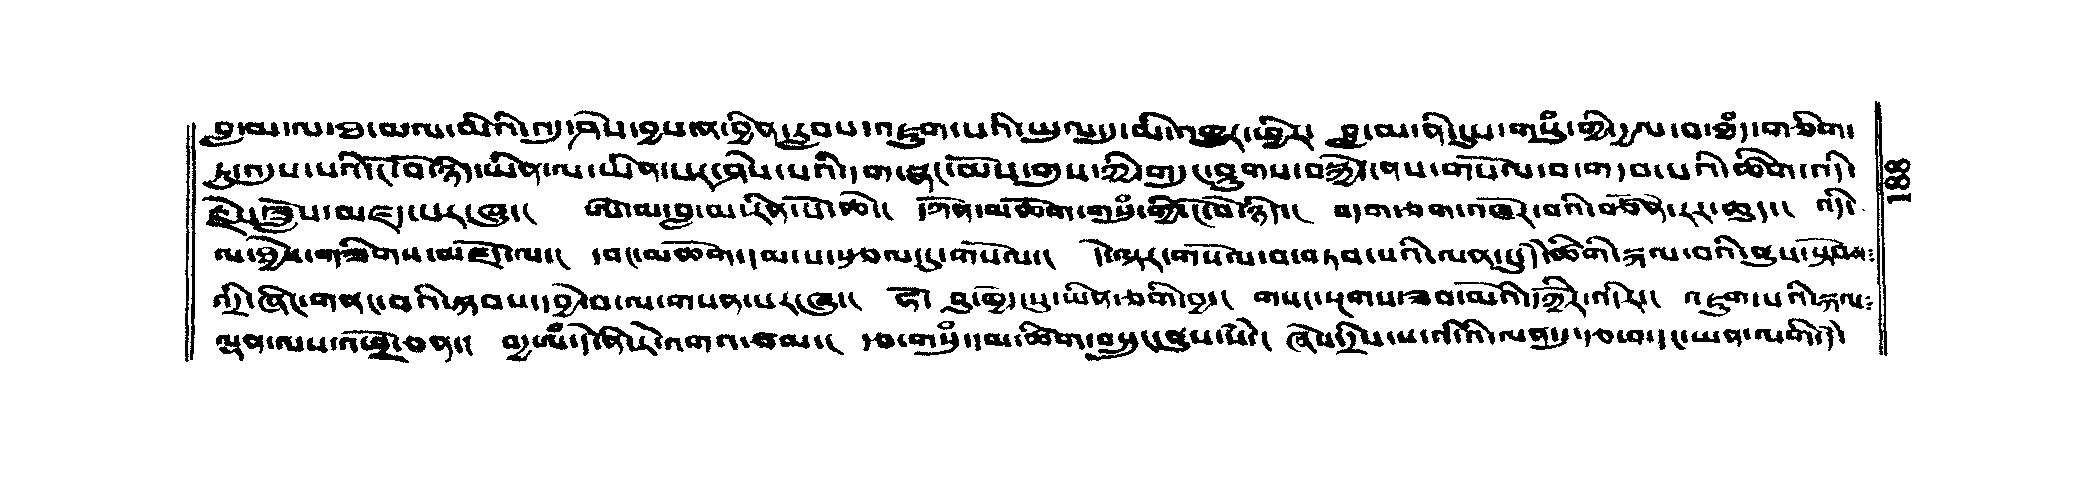བླ་མ་ལ་ཐ་མལ་མིའི་འདུ་ཤེས་བྱས་ན་བྱིན་རླབས་འཇུག་པའི་ཡུལ་དུ་མི་འགྱུར་ཕྱིར།བླ་མ་ནི་དུས་གསུམ་གྱི་རྒྱལ་བ་ཐམས་ཅད་གཅིག་
ཏུ་འདུས་པའི་ངོ་བོ་ཉིད་ཡིན་ལ་ཡིན་པར་ཤེས་པའི་དག་སྣང་མོས་གུས་ཀྱི་གདུང་ཤུགས་བསྐྱེད་ནས་གསོལ་བ་གདབ་པའི་ཚིག་འདི་
རྗེས་ཟློས་མཛད་པར་ཞུ། ཨེ་མ་བླ་མ་རིན་པོ་ཆེ། དཀོན་མཆོག་གསུམ་གྱི་ངོ་བོ་ཉིད། བདག་ཅག་འཁོར་བའི་བཙོན་རར་ཆུད། འདི་
ལ་ཐུགས་རྗེས་གཟིགས་མཛོད་ལ། དབང་མཆོག་དམ་པ་སྩལ་དུ་གསོལ། དེ་ལྟར་གསོལ་བ་བཏབ་པའི་ལན་དུ་དམ་ཚིག་གི་སྐལ་བའི་ནུས་སྟོབས་
འདྲི་ཞིང་གནང་བའི་སྐབས་དབྱེ་བ་ལ་གསན་པར་ཞུ། ཧོ། བུ་ཁྱོད་སུ་ཡིན་ཅག་གི་བྱ། གསང་སྔགས་ཟབ་མོའི་དཀྱིལ་འཁོར་འདིར། འཇུག་པའི་སྐལ་
ལྡན་ལས་འཕྲོ་ཅན། བརྒྱ་ལམ་དེ་ནི་རེ་འགའ་ཙམ། རྩ་གསུམ་དམ་ཚིག་བསྲུང་ནུས་སམ། ཞེས་དྲིས་པ་འདིའི་ལན་དུ་རྩ་བ་དང་ཡན་ལག་གི་དམ་